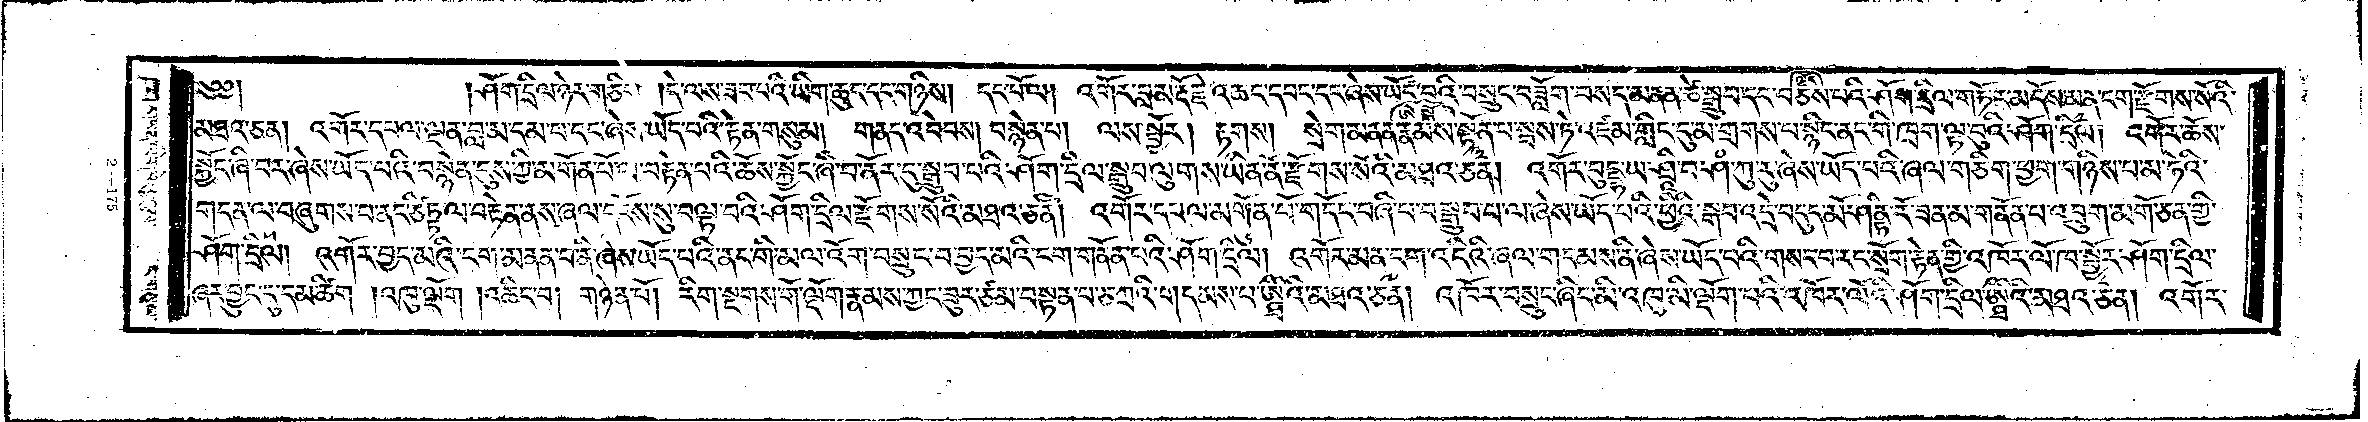༄༅། །ཤོག་དྲིལ་ཉེར་གཅིང་། །དེ་ལས་ཟབ་པའི་ཡིག་ཆུང་དང་གཉིས། དང་པོ་ལ། འགོར་བླ་མ་རྡོ་རྗེ་འཆང་དབང་དང་ཞེས་ཡོད་བའི་བསྲུང་བཟློག་བསད་མནན་ཙེ་སྒྲུབ་དང་བཅས་པའི་ཤོག་དྲིལ་གཏོར་མདོས་མན་ངག་རྫོགས་སོའི་
མཐའ་ཅན། འགོར་དཔལ་ལྡན་བླ་མ་དམ་པ་དང་ཞེས་ཡོད་པའི་རྟེན་གསུམ། གནད་འབེབས། བསྙེན་པ། ལས་སྦྱོར། རྟགས། སྲེག་མནན་རྣམས་སྟོན་པ་སྤས་ཏེ་འཛམ་གླིང་དུ་མ་གྲགས་པ་སྙིང་ནང་གི་ཁྲག་ལྟ་བུའི་ཤོག་དྲིལ། འགོར་ཆོས་
སྐྱོང་ཞི་བར་ཞེས་ཡོད་པའི་བསྙེན་དུས་ཀྱི་མགོན་པོ་ལ་བརྟེན་པའི་ཆོས་སྐྱོང་ཞི་བ་ནོར་དུ་སྒྲུབ་པའི་ཤོག་དྲིལ་སྒྲུབ་ལུགས་ཡིན་ནོ་རྫོགས་སོའི་མཐའ་ཅན། འགོར་བུདྡྷ་ཡ་ཤྲཱི་བ་ཤཾ་ཀུ་རུ་ཞེས་ཡོད་པའི་ཞལ་གཅིག་ཕྱག་གཉིས་པ་མ་ཧིའི་
གདན་ལ་བཞུགས་པ་ནང་ཙིཏྟལ་བརྟེན་ནས་ཞལ་དངོས་སུ་བལྟ་བའི་ཤོག་དྲིལ་རྫོགས་སོའི་མཐའ་ཅན། འགོར་དཔལ་མགོན་པོ་གདོང་བཞི་པ་བསྒྲུབ་པ་ལ་ཞེས་ཡོད་པའི་ཕྱིའི་སྒབ་འདྲེ་བདུད་མོ་ཤནྟི་རོ་ཟན་མ་གནོན་པ་འབྲུག་མགོ་ཅན་གྱི་
ཤོག་དྲིལ། འགོར་བྱད་མའི་ངག་མནན་པ་ནི་ཞེས་ཡོད་པའི་ནང་གི་མལ་འོག་བསྲུང་བ་བྱད་མའི་ངག་གནོན་པའི་ཤོག་དྲིལ། འགོར་མན་ངག་འདིའི་ཞལ་གདམས་ནི་ཞེས་ཡོད་པའི་གསང་བ་རང་སྲོག་རྟེན་གྱི་འཁོར་ལོ་ཁ་སྦྱོར་ཤོག་དྲིལ་
ཞར་བྱུང་དུ་དམ་ཚིག །འཁུ་ལྡོག །འཆིང་བ། གཉེན་པོ། རིག་སྔགས་གོ་ལྡོག་རྣམས་ཀྱང་ཟུར་ཙམ་བསྟན་པ་ཅ་ཀྲའི་གདམས་པ་ཨིཐིའི་མཐའ་ཅན། འཁོར་བསྲུང་ཞིང་མི་འཁུ་མི་ལྡོག་པའི་འཁོར་ལོའི་ཤོག་དྲིལ་ཨིཐཱིའི་མཐའ་ཅན། འགོར་